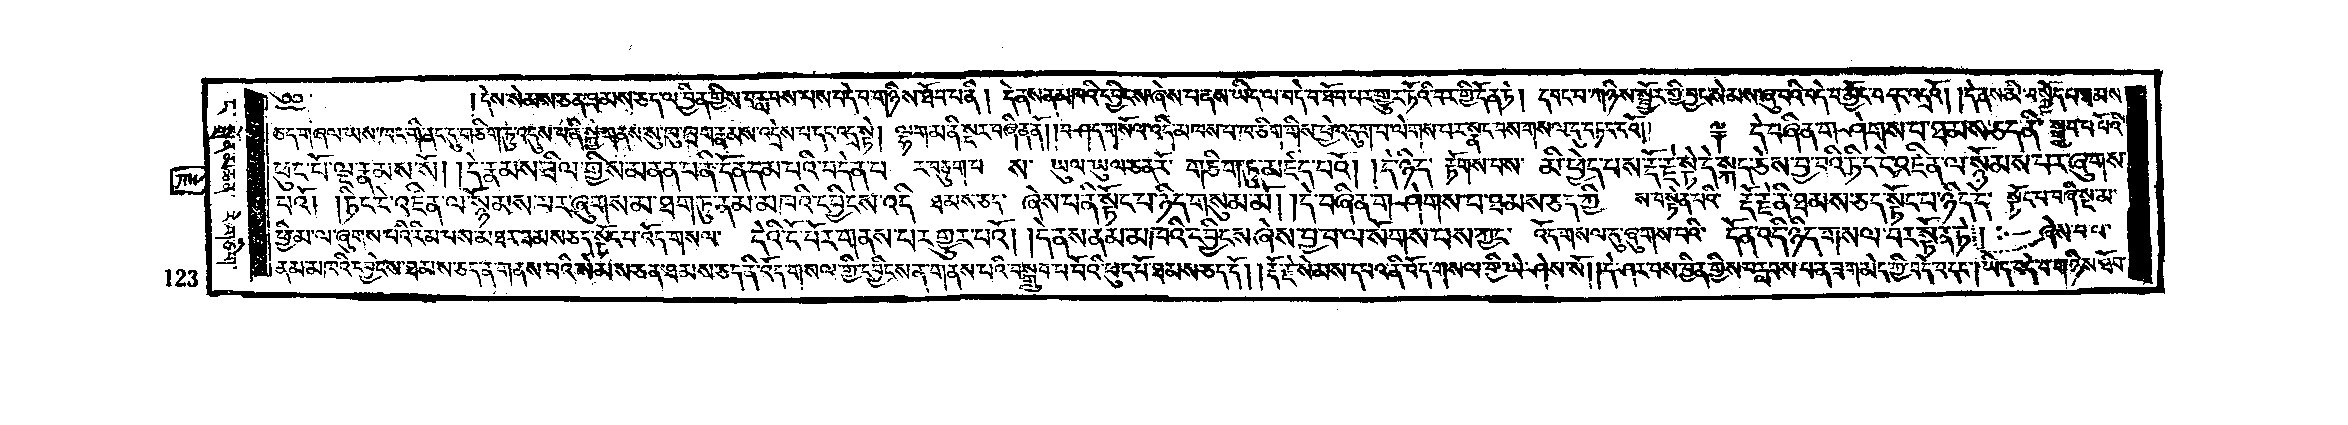༄༅། །དེས་སེམས་ཅན་ཐམས་ཅད་ལ་བྱིན་གྱིས་བརླབས་པས་བདེ་བ་གཉིས་ཐོབ་པ་ནི། དེ་ནས་ནམ་མཁའི་དབྱིངས་ཞེས་པ་ནས་ཡིད་ལ་བདེ་བ་ཐོབ་པར་གྱུར་ཏོའི་བར་གྱི་དོན་ཏེ། དབང་པོ་གཉིས་སྦྱོར་གྱི་བྱང་སེམས་ཞུ་བའི་བདེ་བ་མྱོང་བ་དང་འདྲའོ། །དེ་ནས་མི་བསྐྱོད་པ་ཐམས་
ཅད་གཞལ་ཡས་ཁང་གི་ནང་དུ་གཅིག་ཏུ་འདུས་པ་ནི་སྐྱེ་གནས་སུ་ཁུ་ཁྲག་རྣམས་འདྲེས་པ་དང་འདྲ་སྟེ། ལྷག་མ་ནི་སྔར་བཞིན་ནོ། །བཤད་གསོལ་འདི་མཁས་པ་ཁ་ཅིག་གིས་ཕྱེ་འདུག་པ་ལེགས་པར་སྣང་བས་གསལ་དུ་བཏང་བའོ།། ༈ དེ་བཞིན་གཤེགས་པ་ཐམས་ཅད་ནི་སྒྲུབ་པ་པོའི་
ཕུང་པོ་ལྔ་རྣམས་སོ། །དེ་རྣམས་ཟིལ་གྱིས་མནན་པ་ནི་དོན་དམ་པའི་བདེན་པར་བཅུག་པས་ཡུལ་ཡུལ་ཅན་རོ་གཅིག་ཏུ་མཛད་པའོ། །དེ་ཉིད་རྟོགས་པས་མི་ཕྱེད་པས་རྡོ་རྗེ་སྟེ་དེ་སྐད་ཅེས་བྱ་བའི་ཏིང་ངེ་འཛིན་ལ་སྙོམས་པར་ཞུགས་
པའོ། །ཏིང་ངེ་འཛིན་ལ་སྙོམས་པར་ཞུགས་མ་ཐག་ཏུ་ནམ་མཁའི་དབྱིངས་འདི་ཐམས་ཅད་ཞེས་པ་ནི་སྟོང་པ་ཉིད་གསུམ་མོ། །དེ་བཞིན་གཤེགས་པ་ཐམས་ཅད་ཀྱི་ས་བསྟེན་པའི་རྡོ་རྗེ་ནི་ཐམས་ཅད་སྟོང་པ་ཉིད་དེ་སྟོང་པ་བཞི་སྔ་མ་
ཕྱི་མ་ལ་ཞུགས་པའི་རིམ་པས་མཐར་ཐམས་ཅད་སྟོང་པ་འོད་གསལ་དེའི་ངོ་བོར་གནས་པར་གྱུར་བའོ། །དེ་ནས་ནམ་མཁའི་དབྱིངས་ཞེས་བྱ་བ་ལ་སོགས་པས་ཀྱང་འོད་གསལ་དུ་ཞུགས་པའི་དོན་འདི་ཉིད་གསལ་བར་སྟོན་ཏེ། ཞེས་པ་ལ་
ནམ་མཁའི་དབྱིངས་ཐམས་ཅད་ན་གནས་པའི་སེམས་ཅན་ཐམས་ཅད་ནི་འོད་གསལ་གྱི་དབྱིངས་ན་གནས་པའི་བསྒྲུབ་པ་པོའི་ཕུང་པོ་ཐམས་ཅད་དོ། །རྡོ་རྗེ་སེམས་དཔའ་ནི་འོད་གསལ་གྱི་ཡེ་ཤེས་སོ། །དེ་ཤར་བས་བྱིན་གྱིས་བརླབས་པ་ན་ཟག་མེད་ཀྱི་བདེ་བ་དང་། ཡིད་བདེ་བ་གཉིས་ཐོབ་